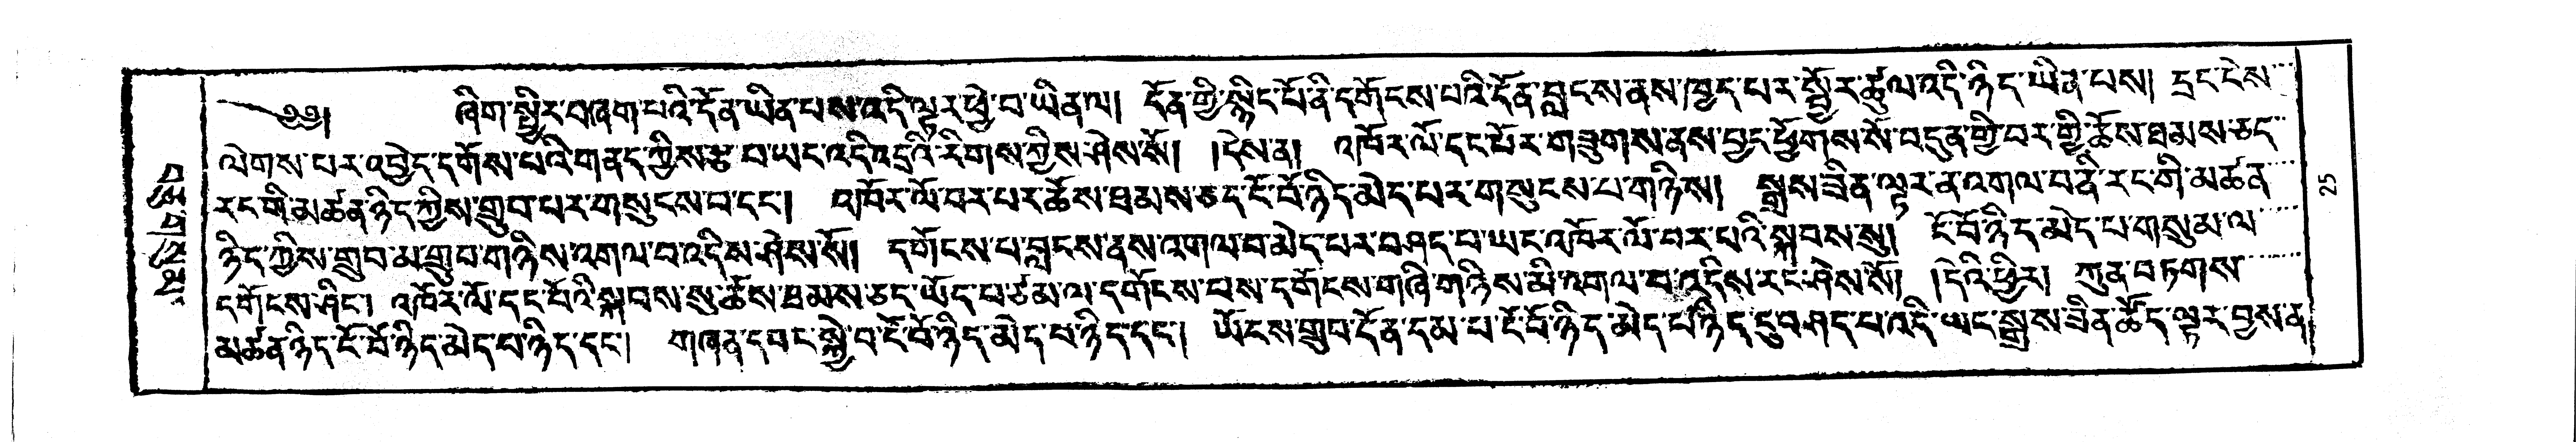༄༅། །ཞིག་སྤྱིར་བཞག་པའི་དོན་ཡིན་པས་འདི་ལྟ་ཕྱིར་བ་ཡིན་ལ། དོན་གྱི་སྙིང་པོ་ནི་དགོངས་པའི་དོན་བླངས་ནས་ཁྱད་པར་སྦྱོར་ཚུལ་འདི་ཉིད་ཡིན་པས། དྲང་ངེས་
ལེགས་པར་འབྱེད་དགོས་པའི་གནས་ཀྱིས་རྩ་བ་ཡང་འདི་འདྲའི་རིགས་ཀྱིས་ཤེས་སོ། །དེས་ན། འཁོར་ལོ་དང་པོར་གཟུགས་ནས་བྱང་ཕྱོགས་སོ་བདུན་གྱི་བར་གྱི་ཆོས་ཐམས་ཅད་
རང་གི་མཚན་ཉིད་ཀྱིས་གྲུབ་པར་གསུངས་བ་དང་། འཁོར་ལོ་བར་པར་ཆོས་ཐམས་ཅད་ངོ་བོ་ཉིད་མེད་པར་གསུངས་པ་གཉིས། སྒྲས་ཟིན་ལྟར་ན་འགལ་བ་ནི་རང་གི་མཚན་
ཉིད་ཀྱིས་གྲུབ་མ་གྲུབ་གཉིས་འགལ་བ་འདིས་ཤེས་སོ། དགོངས་པ་བླངས་ནས་འགལ་བ་མེད་པར་བཤད་པ་ཡང་འཁོར་ལོ་བར་བའི་སྐབས་སུ། ངོ་བོ་ཉིད་མེད་པ་གསུམ་ལ་
དགོངས་ཤིང་། འཁོར་ལོ་དང་པོའི་སྐབས་སུ་ཚས་ཐམས་ཅད་ཡོད་པ་ཙམ་ལ་དགོངས་པས་དགོངས་གཞི་གཉིས་མི་འགལ་བ་འདིས་རང་ཤིས་སོ། །དེའི་ཕྱིར། ཀུན་བཏགས་
མཚན་ཉིད་ངོ་བོ་ཉིད་མེད་པ་ཉིད་དང་། གཞན་དབང་སྐྱེ་བ་ངོ་བོ་ཉིད་མེད་པ་ཉིད་དང་། ཡོངས་གྲུབ་དོན་དམ་པ་ངོ་བོ་ཉིད་མེད་པ་ཉིད་དུ་བཤད་པ་འདི་ཡང་སྒྲས་ཟིན་ཚོད་ལྟར་བྱས་ན་